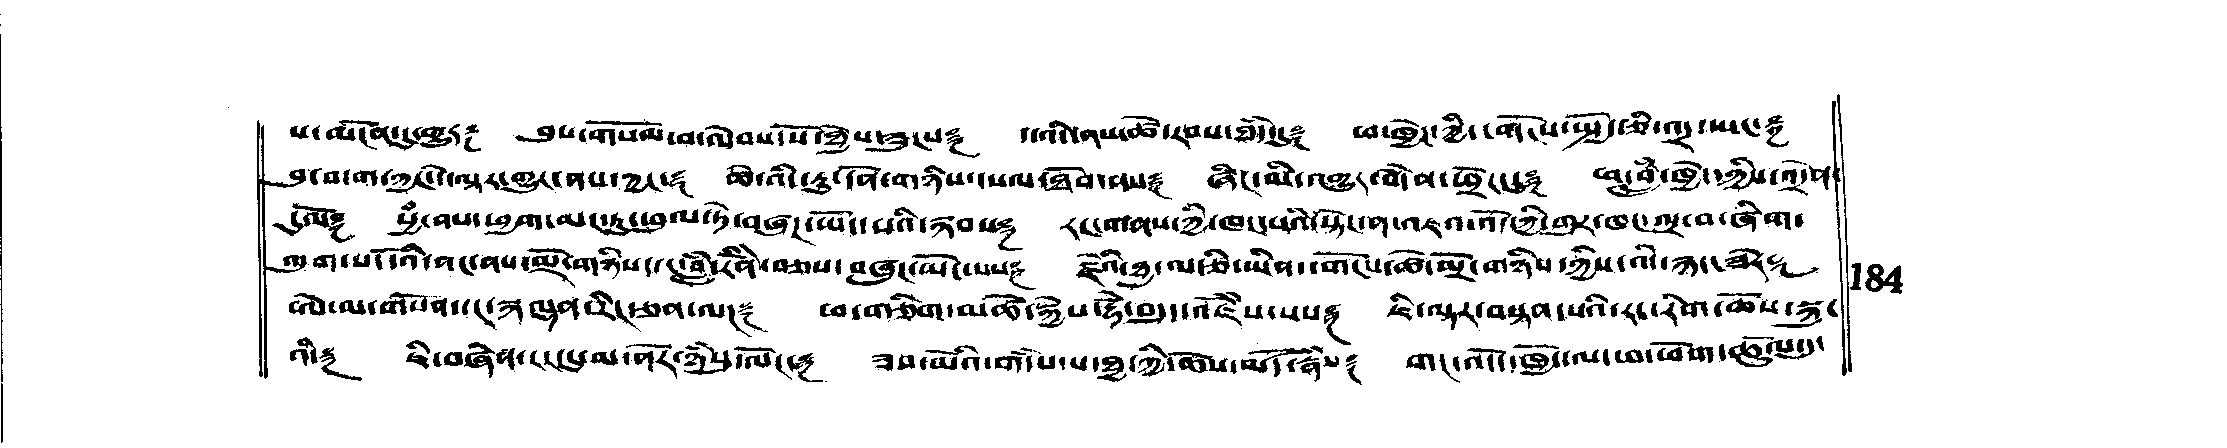པ་མངོན་དུ་གྱུར། །བུས་གསོལ་བ་འདེབས་སོ་ཐུགས་རྗེས་ཟུངས། །ད་འདི་ནས་ཚེ་རབས་ཐམས་ཅད་དུ། །ཕ་ཁྱོད་ཀྱི་དགོངས་སྤྱོད་ཅི་འདྲ་ཡང་། །
བུ་བདག་ཀྱང་དེ་ལྟར་གྱུར་ནས་ཀྱང་། །ཚེ་འདི་རུ་དོན་གཉིས་དཔལ་ཐོབ་ནས། །ཞིང་མི་འགྱུར་བདེ་ཆེན་ཕོ་བྲང་དུ། །ཕ་བླ་མ་ཁྱེད་ཀྱིས་འདྲེན་
དུ་གསོལ། །གསུང་ནས་ཕྱག་མང་དུ་ཕུལ་ཏེ་བཞུགས་ཡོད་པའི་སྐབས། རང་གནས་ཀྱི་ཁང་པའི་སྟེང་ན་འཇའ་འོད་ཀྱི་གུར་ཁང་འདྲ་བ་ཞིག་
འདུག་པ་དེའི་ནང་ནས་མཁའ་འགྲོ་གཉིས་དང་བླ་མ་རིན་པོ་ཆེ་བཅས་བཞུགས་ཡོད་པས། རྗེའི་ཐུགས་ལ་ཅི་ཡིན་དགོངས་ཚེ་མཁའ་འགྲོ་གཉིས་ཀྱིས་འདི་སྐད་ཟེར། 
ཨེ་མ་གསོན་དང་སྐལ་ལྡན་རིགས་ཅན་ལགས། །ཕ་གཅིག་མཚོ་སྐྱེས་རྡོ་རྗེ་བདུད་འཇོམས་པས། །ཇི་ལྟར་བསྟན་པའི་རང་རིག་ཆོས་སྐུ་
ཡི། །ཇི་བཞིན་ངང་དུ་མ་ནོར་ཉམས་སུ་ལོང་། །ཟབ་མོའི་གདམས་པ་ཐུགས་ཀྱི་ཆོས་མཛོད་རྣམས། །གང་འདོད་ཁྱོད་ལ་ཕ་ཕོག་ཚུལ་དུ་